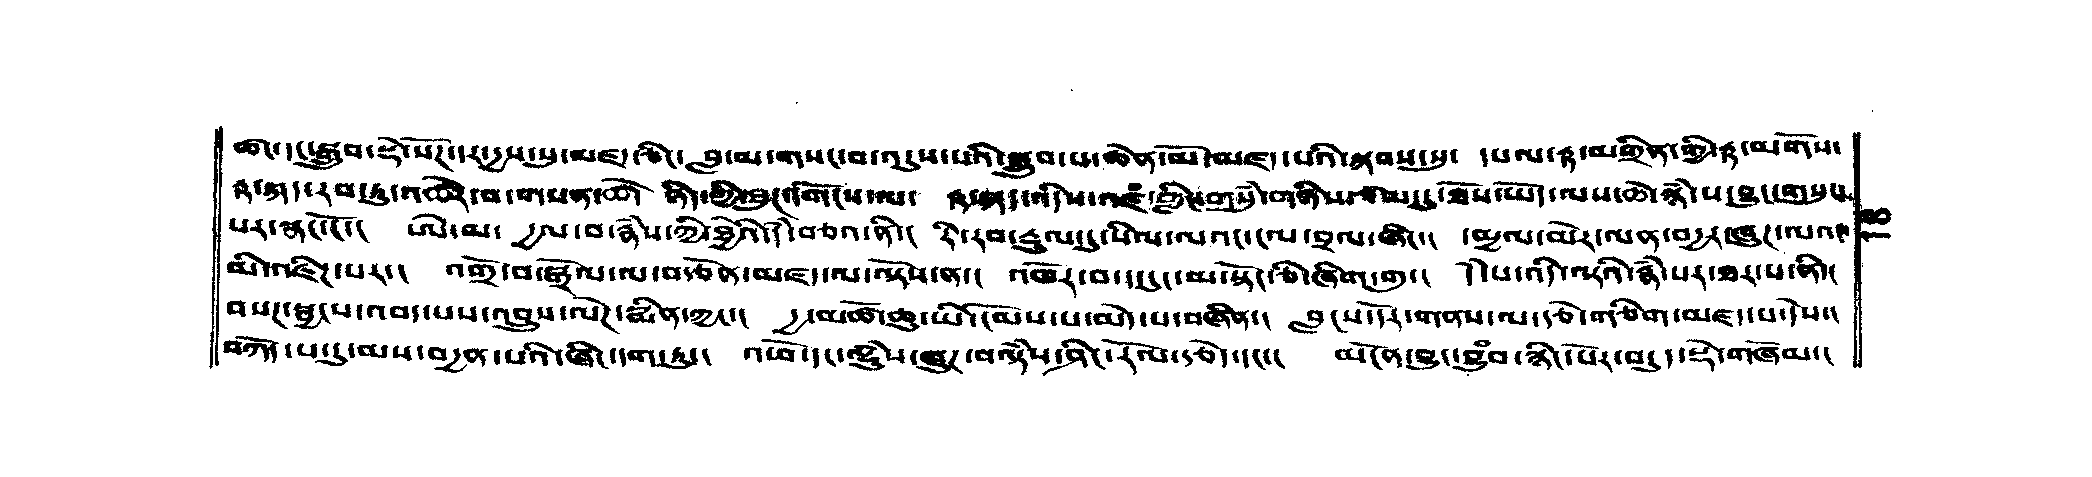ཚང་དང་སྒྲུབ་སྡེ་སོགས་དར་རྒྱས་སུ་མཛད་ཅིང་། བླ་མ་གསང་བ་འདུས་པའི་སྒྲུབ་པ་ཆེན་མོ་མཛད་པའི་སྐབས་སུ། དཔལ་རྟ་མགྲིན་གྱི་རྟ་མགོས་
རྟ་སྐད་རབ་ཏུ་འཚེར་བ་གསན་ཚེ། ཉིད་ཀྱི་ཐུགས་དགོངས་ལ། རྟ་སྐད་འདིས་འཛམ་གླིང་སུམ་གཉིས་ཙམ་དུ་ཐོས་ཡོད་ལས་ཆེ་སྙམ་པ་བྱུང་གསུངས་
པར་སྣང་ངོ་། ཨེ་མ། རྒྱལ་བ་རྣམས་ཀྱི་ཐུགས་རྗེའི་དམ་བཅའ་ནི། །རི་རབ་རྡུལ་དུ་སིལ་ལའང་ངལ་བྲལ་ཞིང་། །དམྱལ་མེར་ལན་བརྒྱར་ཞུགས་ལའང་
མི་འཇིགས་པར། །འགྲོ་བ་སྒྲོལ་ལ་བརྩོན་མཛད་ལ་ལྟོས་ན། །འཁོར་བ་ད་དུང་མ་སྟོང་ཅི་ཞིག་གུ །དམ་པ་འདི་ལྟའི་རྣམ་པར་ཐར་པ་ནི། །
བསགས་སྦྱངས་འབད་པས་འབྲས་བུ་ལེགས་སྨིན་ཀྱང་། །རྒྱ་མཚོ་ཆུ་ཡི་ངོམས་པ་མེད་པ་བཞིན། །བླང་དོར་གནས་ལ་རྩེ་གཅིག་མཛད་པ་དེས། །
བཀོད་པ་དུ་མས་བརྒྱན་པའི་ཞིང་དག་ཏུ། །འཕོ་དང་ལྷུམས་ཞུགས་བལྟམས་ཤིང་རོལ་རྩེད་དང་། །མངོན་བྱུང་བྱང་ཆུབ་སྙིང་པོར་བདུད་སྡེ་གཞོམ།